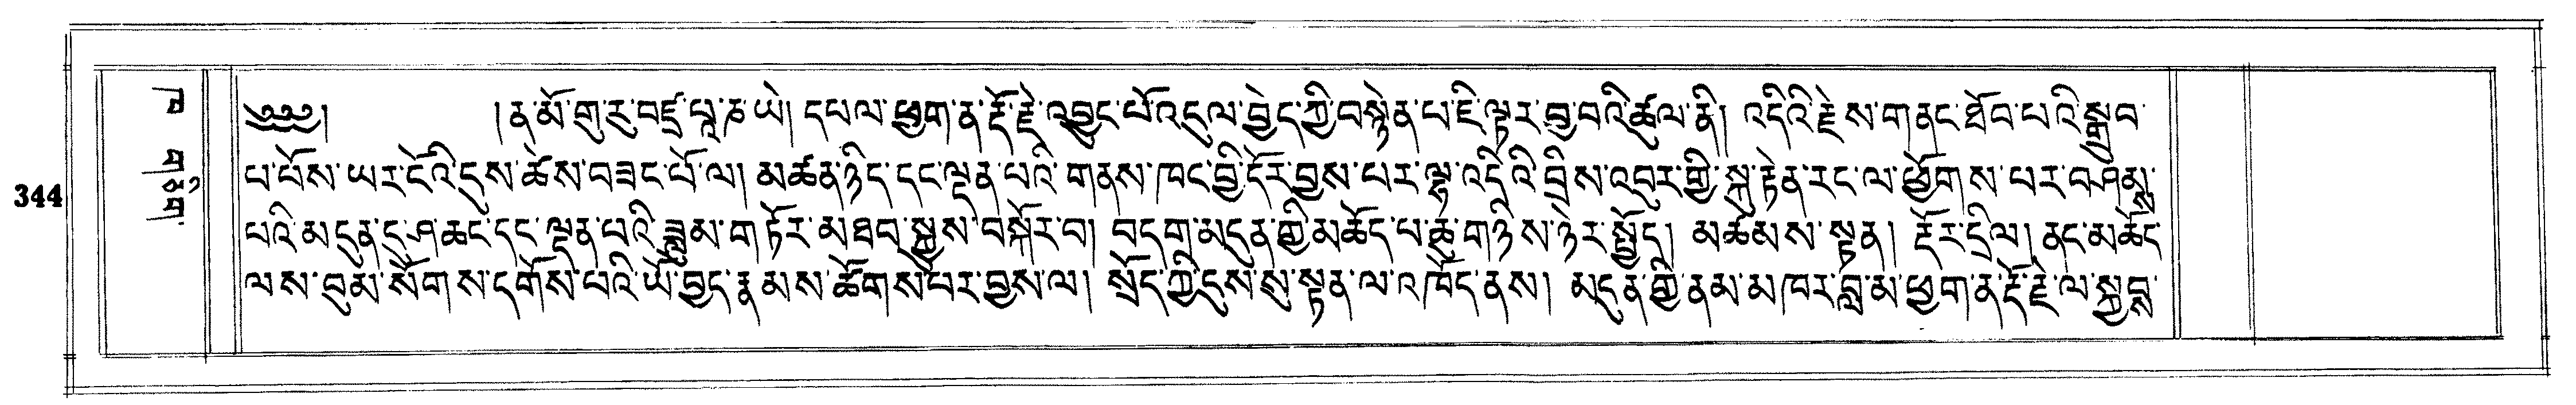༄༅༅། །ན་མོ་གུ་རུ་བཛྲ་པཱ་ཎ་ཡེ། དཔལ་ཕྱག་ན་རྡོ་རྗེ་འབྱུང་པོ་འདུལ་བྱེད་ཀྱི་བསྙེན་པ་ཇི་ལྟར་བྱ་བའི་ཚུལ་ནི། འདིའི་རྗེས་གནང་ཐོབ་པའི་སྒྲུབ་
པ་པོས་ཡར་ངོའི་དུས་ཚེས་བཟང་པོ་ལ། མཚན་ཉིད་དང་ལྡན་པའི་གནས་ཁང་བྱི་དོར་བྱས་པར་ལྷ་འདིའི་བྲིས་འབུར་གྱི་སྐུ་རྟེན་རང་ལ་ཕྱོགས་པར་བཤམས་
པའི་མདུན་དུ་ཤ་ཆང་དང་ལྡན་པའི་ཟླུམ་གཏོར་མཐབ་སྐྱུས་བསྐོར་བ། བདག་མདུན་གྱི་མཆོད་པ་ཆུ་གཉིས་ཉེར་སྤྱོད། མཚམས་སྟན། རྡོར་དྲིལ། ནང་མཆོད་
ལས་བུམ་སོགས་དགོས་པའི་ཡོ་བྱད་རྣམས་ཚོགས་པར་བྱས་ལ། སྲོད་ཀྱི་དུས་སུ་སྟན་ལ་འཁོད་ནས། མདུན་གྱི་ནམ་མཁར་བླ་མ་ཕྱག་ན་རྡོ་རྗེ་ལ་སྐྱབས་